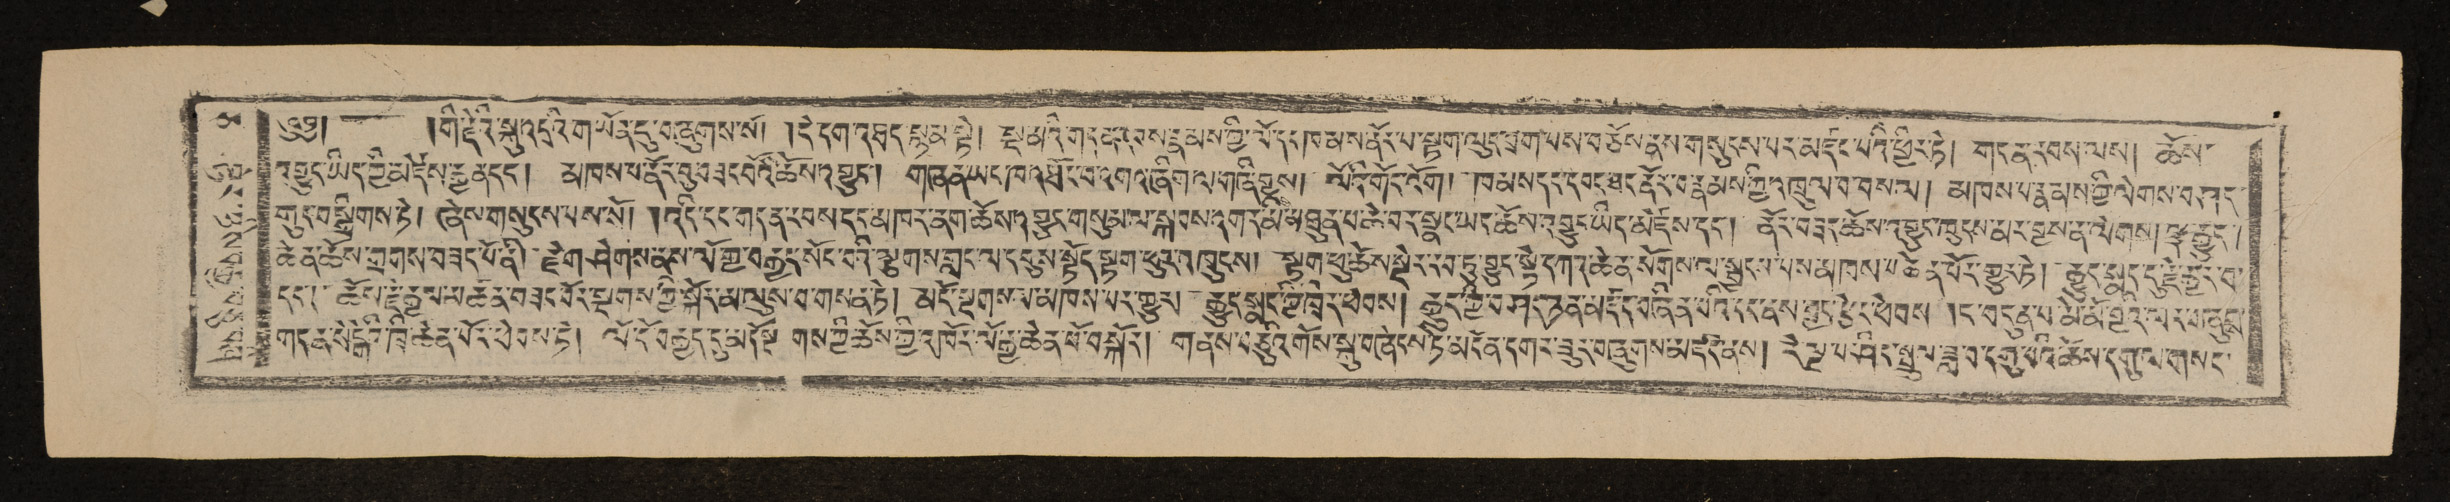༄༅། །གི་རྗེའི་སྐུ་འདྲའི་གཡོན་དུ་བཞུགས་སོ། །དེ་དག་འཐད་སྙམ་སྟེ། སྔ་མའི་གདན་རབས་རྣམས་ཀྱི་ལོ་དང་ཁམས་ནོར་པ་སྟག་ལུང་བྲག་པས་བཅོས་ནས་གསུངས་པར་མཛད་པའི་ཕྱིར་ཏེ། གདན་རབས་ལས། ཆོས་
འབྱུང་ཡིད་ཀྱི་མཛེས་རྒྱན་དང་། མཁས་པ་ནོར་བུ་བཟང་པོའི་ཆོས་འབྱུང་། གཞན་ཡང་ཁ་འཐོར་པ་འགའ་ཞིག་ལ་གཞི་བྱས། ལོའི་གོང་འོག། ཁམས་དང་དབང་ཐང་ནོར་པ་རྣམས་ཀྱི་འཁྲུལ་བ་བསལ། མཁས་པ་རྣམས་ཀྱི་ལེགས་བཤད་
གུང་བསྒྲིགས་ཏེ། ཞེས་གསུངས་པས་སོ། །འདི་དང་གདན་རབས་དང་མཁར་ནག་ཆོས་འབྱུང་གསུམ་ལ་སྐབས་འགར་མི་མཐུན་པ་ཆེ་བར་སྣང་ཡང་ཆོས་འབྱུང་ཡིད་མཛེས་དང་། ནོར་བཟང་ཆོས་འབྱུང་ཁུངས་མར་བྱས་ན་ལེགས། ༈ རྒྱུད་
ཆེན་ཆོས་གྲགས་བཟང་པོ་ནི། རྗེ་གཤེགས་ནས་ལོ་གྱ་བརྒྱད་སོང་བའི་ལྕགས་གླང་ལ་དབུས་སྟོང་སྟག་ཕུར་འཁྲུངས། སྟག་ཕུ་ཆོས་སྡེར་རབ་ཏུ་བྱུང་སྟེ་དཀའ་ཆེན་སོགས་ལ་སྦྱངས་པས་མཁས་པ་ཆེན་པོར་གྱུར་ཏེ། རྒྱུད་སྨད་དུ་རྗེ་རྒྱ་རབ་
དང༑ ཆོས་རྗེ་རྒྱལ་མཚན་བཟང་པོར་སྔགས་ཀྱི་སྐོར་མ་ལུས་པ་གསན་ཏེ། མདོ་སྔགས་ལ་མཁས་པར་གྱུར། རྒྱུད་སྨད་ཀྱི་ཁྲིར་ཕེབས། རྒྱུད་ཀྱི་བཤད་ཉན་མཛད་བཞིན་པའི་དང་ནས་བྱང་རྩེར་ཕེབས། ང་བདུན་པ་མེ་མོ་བྱའི་ལོར་བཞུགས་
གདན་སེངྒེའི་ཁྲི་ཆེན་པོར་ཕེབས་ཏེ། ལོ་ངོ་བརྒྱད་དུ་མདོ་སྔགས་ཀྱི་ཆོས་ཀྱི་འཁོར་ལོ་རྒྱ་ཆེན་པོ་བསྐོར། གནས་བཅུའི་གོས་སྐུ་བཞེངས་ཏེ་མངོན་དགར་ཟུར་བཞུགས་མཛད་ནས། རེ་ལྔ་པ་ཤིང་སྤྲུལ་ཟླ་བ་དགུ་བའི་ཚེས་དགུ་ལ་གསང་